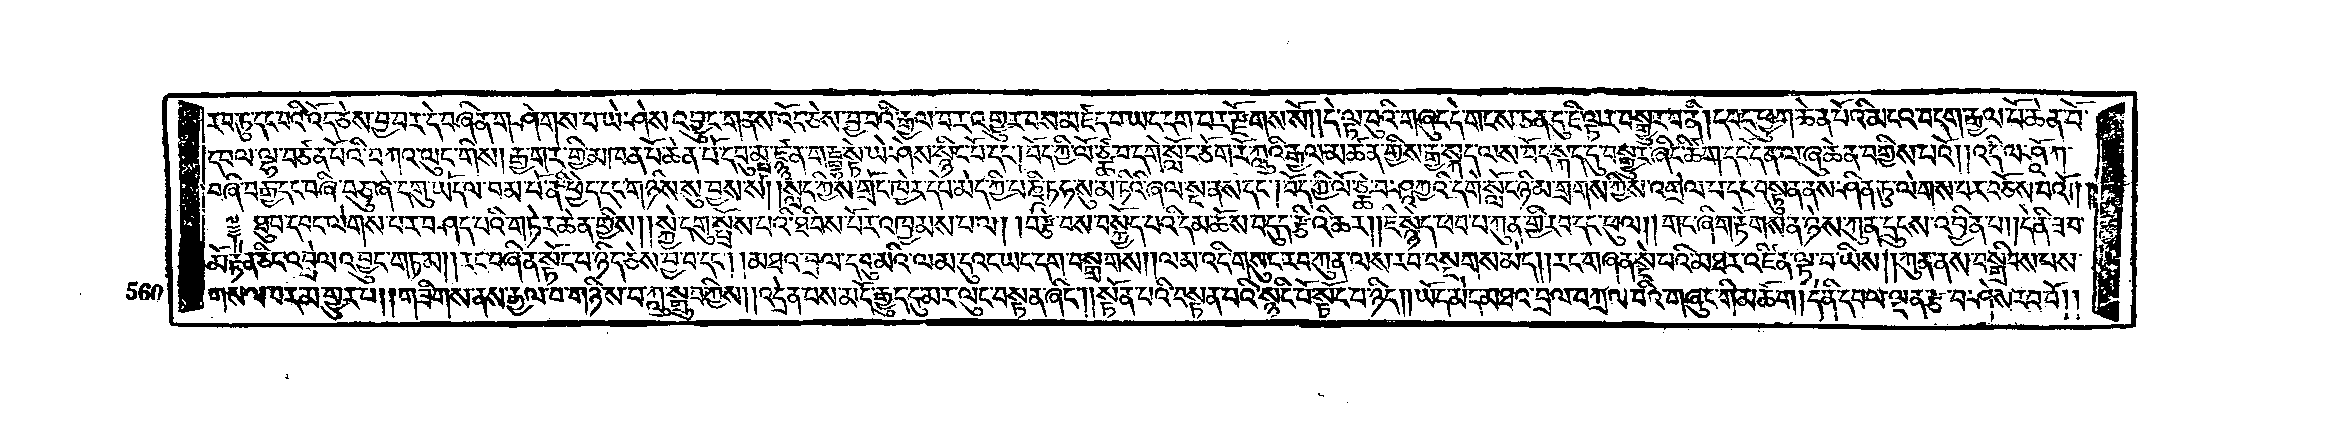རབ་ཏུ་དང་པའི་འོད་ཅེས་བྱ་བར་དེ་བཞིན་གཤེགས་པ་ཡེ་ཤེས་འབྱུང་གནས་འོད་ཅེས་བྱ་བའི་རྒྱལ་བར་འགྱུར་བས་མཛད་པ་ཡང་དག་པར་རྫོགས་སོ། །དེ་ལྟ་བུའི་གཞུང་དེ་གངས་ཅན་དུ་ཇི་ལྟར་བསྒྱུར་བ་ནི། དབང་ཕུག་ཆེན་པོའི་མངའ་བདག་རྒྱལ་པོ་ཆེན་པོ་
དཔལ་ལྷ་བཙན་པོའི་བཀའ་ལུང་གིས། རྒྱ་གར་གྱི་མཁན་པོ་ཆེན་པོ་དབུ་མ་བྱ་ཛྙ་ན་གརྦྦྷ་སྟེ་ཡེ་ཤེ་སྙིང་པོ་དང་། བོད་ཀྱི་ལོ་ཙྪ་བ་དགེ་སློང་ཅོག་རོ་ཀླུའི་རྒྱལ་མཚན་གྱིས་རྒྱ་སྐད་ལས་བོད་སྐད་དུ་བསྒྱུར་ཞིང་ཚིག་དང་དོན་ལ་ཞུ་ཆེན་བགྱིས་པའོ། །འདི་ལ་ཤློ་ཀ་
བཞི་བརྒྱད་དང་བཞི་བཅུ་ཞེ་དགུ་ཡོད་ལ་བམ་པོ་ནི་ཕྱེད་དན་གཉིས་སུ་བྱས་སོ། །སླད་ཀྱིས་གྲོང་ཁྱེར་དཔེ་མེད་ཀྱི་པཎྜི་ཏ་ཧ་སུ་མ་ཏིའི་ཞལ་སྔ་ནས་དང་། བོད་ཀྱི་ལོཙྪ་བ་ཤཱཀྱའི་དགེ་སློང་ཉི་མ་གྲགས་ཀྱིས་འགྲེལ་པ་དང་བསྟུན་ནས་ཤིན་ཏུ་ལེགས་པར་བཅོས་པའོ།།
༈ ཐུབ་དབང་ལེགས་པར་བཤད་པའི་གཏེར་ཆེན་གྱིས། །སྐྱེ་དགུ་སྤྲོས་པའི་ཐིབས་པོར་འཁྱམས་པ་ལ། །བརྩེ་བས་བསྐྱོད་པའི་དམ་ཆོས་བདུད་རྩིའི་ཆར། །ཇི་སྙེད་ཕབ་པ་ཀུན་གྱི་རབ་དང་ཕུལ། །གང་ཞིག་རྟོགས་ན་ཉེས་ཀུན་དྲུངས་འབྱིན་པ། །དེ་ནི་ཟབ་
མོ་རྟེན་ཅིང་འབྲེལ་འབྱུང་གཏམ། །རང་བཞིན་སྟོང་པ་ཉིད་ཅེས་བྱ་བ་དང་། །མཐའ་བྲལ་དབུ་མའི་ལམ་དུའང་ཡང་དག་བསྒྲགས་། །ལམ་འདི་གསུངས་རབ་ཀུན་ལས་རབ་བསྔགས་མེད། །རང་གཞན་སྟེ་པའི་མཐར་འཛིན་ལྟ་བ་ཡིས། །ཀུན་ནས་བསྒྲིབས་པས་
གསལ་བར་མ་གྱུར་པ། །གཟིགས་ནས་རྒྱལ་བ་གཉིས་པ་ཀླུ་སྒྲུབ་ཀྱིས། །འདྲེན་པས་མེད་གྱུར་དུ་མར་ལུང་བསྟན་ཞིང་། །སྟོང་པའི་བསྟན་པའི་སྙིང་པོ་སྟོང་པ་ཉིད། །ཡོད་མེད་མཐའ་བྲལ་བཀྲལ་བའི་གཞུང་གི་མཆོག། །དེ་ནི་དཔལ་ལྡན་རྩ་བ་ཤེས་རབ་བོ། །